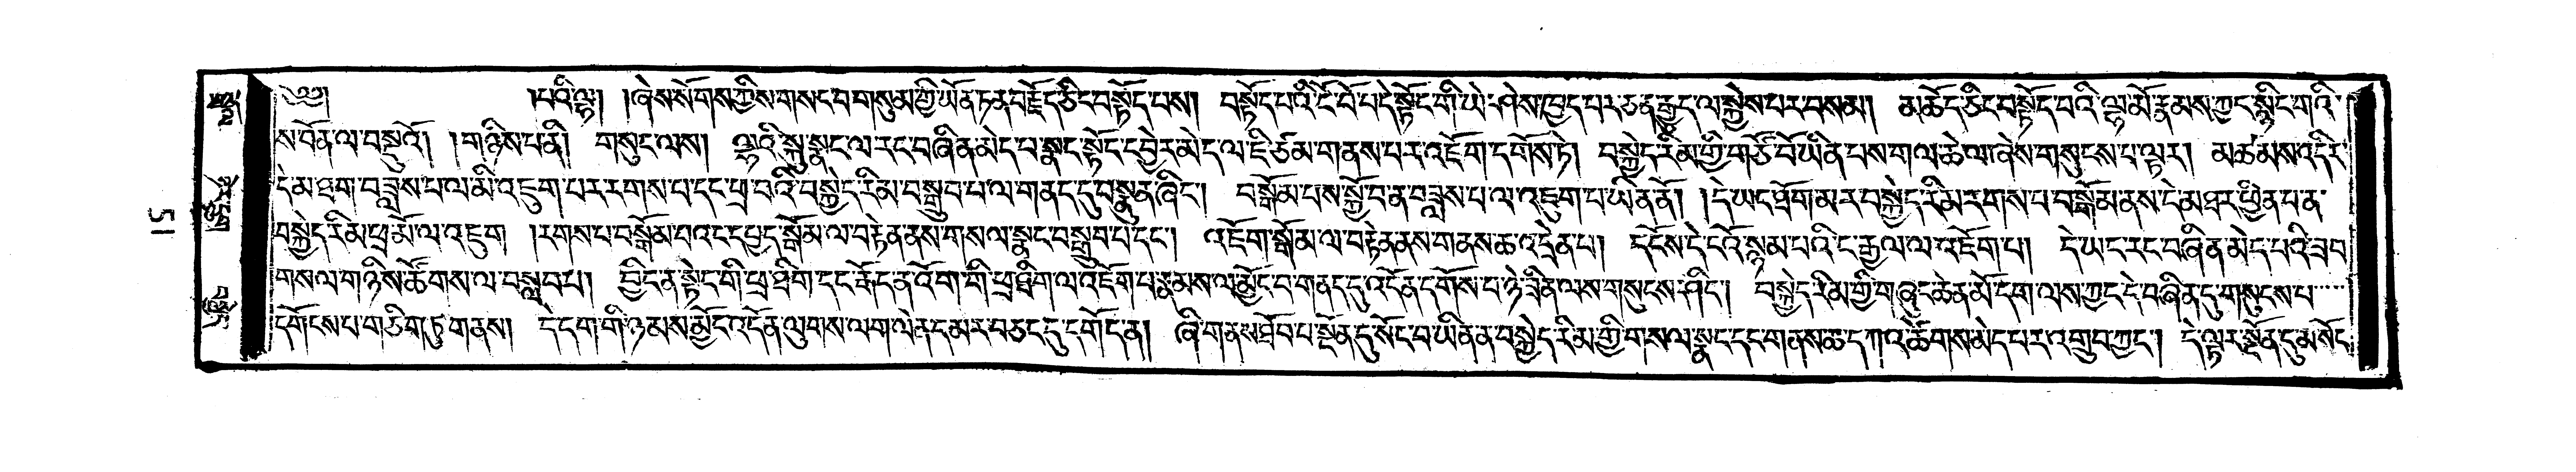༄༅། །པའི་ལྷ། །ཞེས་སོགས་ཀྱིས་གསང་བ་གསུམ་གྱི་ཡོན་ཏན་བརྗོད་ཅིང་བསྟོད་པས། བསྟོད་པའི་ངོ་བོ་བདེ་སྟོང་གི་ཡེ་ཤེས་ཁྱད་པར་ཅན་རྒྱུད་ལ་སྐྱེས་པར་བསམ། མཆོད་ཅིང་བསྟོད་པའི་ལྷ་མོ་རྣམས་ཀྱང་སྙིང་གའི་
ས་བོན་ལ་བསྡུའོ། །གཉིས་པ་ནི། གསུང་ལས། ལྷའི་སྐུ་སྣང་ལ་རང་བཞིན་མེད་པ་སྣང་སྟོང་དབྱེར་མེད་ལ་ཇི་ཙམ་གནས་པར་འཇོག་དགོས་ཏེ། བསྐྱེད་རིམ་གྱི་གཙོ་བོ་ཡིན་པས་གལ་ཆེ་ལ་ཞེས་གསུངས་པ་ལྟར། མཚམས་འདིར་
དེ་མ་ཐག་བཟླས་པ་ལ་མི་འཇུག་པར་རགས་པ་དང་ཕྲ་བའི་བསྐྱེད་རིམ་བསྒྲུབ་པ་ལ་གནད་དུ་བསྣུན་ཞིང་། བསྒོམས་པས་སྐྱོ་བ་ན་བཟླས་པ་ལ་འཇུག་པ་ཡིན་ནོ། །དེ་ཡང་ཐོག་མར་བསྐྱེད་རིམ་རགས་པ་བསྒོམས་ནས་དེ་མཐར་ཕྱིན་པ་ན་
བསྐྱེད་རིམ་ཕྲ་མོ་ལ་འཇུག །རགས་པ་བསྒོམ་པའང་དཔྱད་སྒོམ་ལ་བརྟེན་ནས་གསལ་སྣང་བསྒྲུབ་པ་དང་། འཇོག་སྒོམ་ལ་བརྟེན་ནས་གནས་ཆ་འདྲེན་པ། དངོས་དེ་ངའོ་སྙམ་པའི་ང་རྒྱལ་ལ་འཇོག་པ། དེ་ཡང་རང་བཞིན་མེད་པའི་ཟབ་
གསལ་གཉིས་ཚོགས་ལ་བསླབ་པ། བྱིང་ན་སྟེང་གི་ཕྲ་ཐིག་དང་རྒོད་ན་འོག་གི་ཕྲ་ཐིག་ལ་འཇོག་པ་རྣམས་ལ་མྱོང་བ་གནད་དུ་འདོན་དགོས་པ་ཉེ་ཟིན་ལས་གསུངས་ཤིང་། བསྐྱེད་རིམ་གྱི་གཞུང་ཆེན་མོ་དག་ལས་ཀྱང་དེ་བཞིན་དུ་གསུངས་པ་
དགོངས་པ་གཅིག་ཏུ་གནས། དེ་དག་གི་ཉམས་མྱོང་འདོན་ལུགས་ལག་ལེན་དམར་བཅང་དུ་དགོད་ན། ཞི་གནས་ཐོབ་པ་སྔོན་དུ་སོང་བ་ཡིན་ན་བསྐྱེད་རིམ་གྱི་གསལ་སྣང་དང་གནས་ཆ་དཀའ་ཚེགས་མེད་པར་འགྲུབ་ཀྱང་། དེ་ལྟར་སྔོན་དུ་མ་སོང་